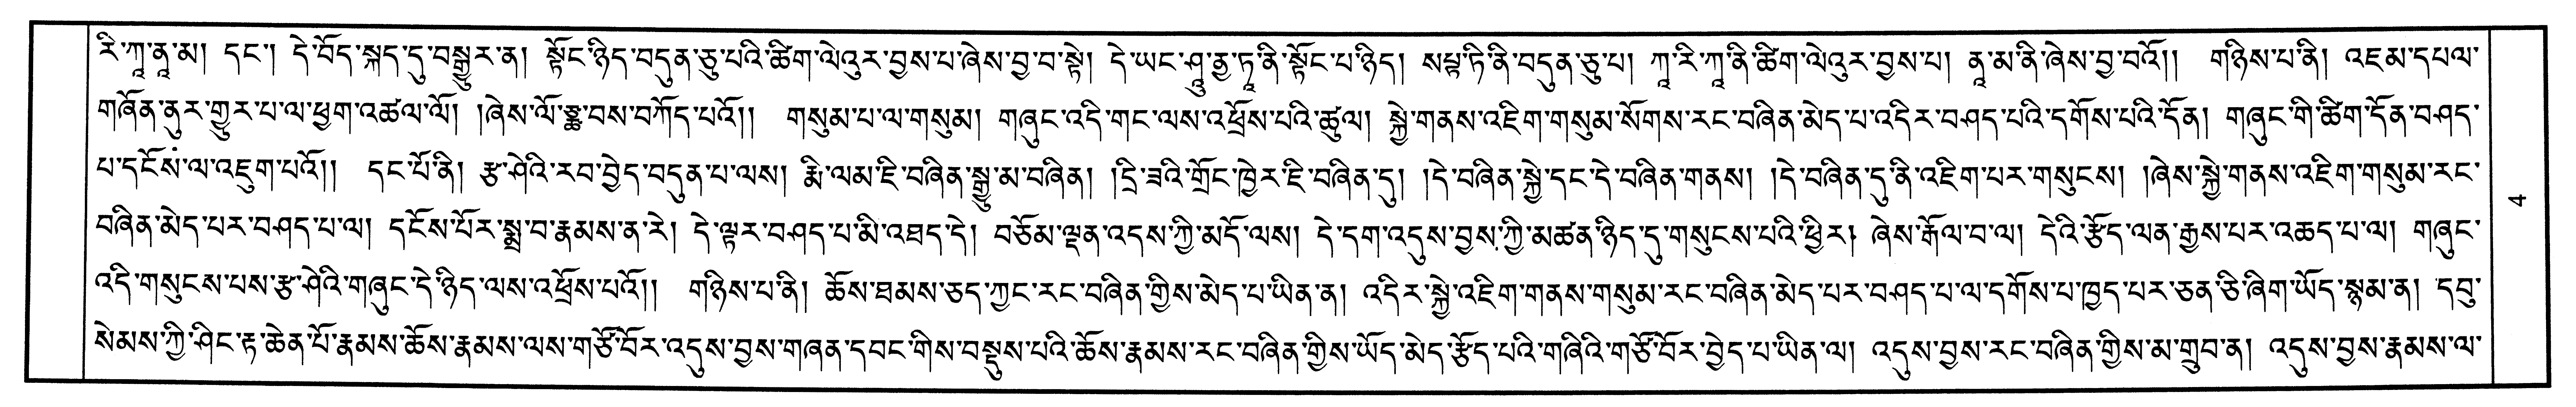རི་ཀཱ་ནཱ་མ། དང་། དེ་བོད་སྐད་དུ་བསྒྱུར་ན། སྟོང་ཉིད་བདུན་ཅུ་པའི་ཚིག་ལེའུར་བྱས་པ་ཞེས་བྱ་བ་སྟེ། དེ་ཡང་ཤཱུ་ནྱ་ཏཱ་ནི་སྟོང་པ་ཉིད། སཔྟ་ཏི་ནི་བདུན་ཅུ་པ། ཀཱ་རི་ཀཱ་ནི་ཚིག་ལེའུར་བྱས་པ། ནཱ་མ་ནི་ཞེས་བྱ་བའོ།། གཉིས་པ་ནི། འཇམ་དཔལ་
གཞོན་ནུར་གྱུར་པ་ལ་ཕྱག་འཚལ་ལོ། །ཞེས་ལོ་ཙྪ་བས་བཀོད་པའོ།། གསུམ་པ་ལ་གསུམ། གཞུང་འདི་གང་ལས་འཕྲོས་པའི་ཚུལ། སྐྱེ་གནས་འཇིག་གསུམ་སོགས་རང་བཞིན་མེད་པ་འདིར་བཤད་པའི་དགོས་པའི་དོན། གཞུང་གི་ཚིག་དོན་བཤད་
པ་དངོས་ལ་འཇུག་པའོ།། དང་པོ་ནི། རྩ་ཤེའི་རབ་བྱེད་བདུན་པ་ལས། རྨི་ལམ་ཇི་བཞིན་སྒྱུ་མ་བཞིན། །དྲི་ཟའི་གྲོང་ཁྱེར་ཇི་བཞིན་དུ། །དེ་བཞིན་སྐྱེ་དང་དེ་བཞིན་གནས། །དེ་བཞིན་དུ་ནི་འཇིག་པར་གསུངས། །ཞེས་སྐྱེ་གནས་འཇིག་གསུམ་རང་
བཞིན་མེད་པར་བཤད་པ་ལ། དངོས་པོར་སྨྲ་བ་རྣམས་ན་རེ། དེ་ལྟར་བཤད་པ་མི་འཐད་དེ། བཅོམ་ལྡན་འདས་ཀྱི་མདོ་ལས། དེ་དག་འདུས་བྱས་ཀྱི་མཚན་ཉིད་དུ་གསུངས་པའི་ཕྱིར། ཞེས་རྒོལ་བ་ལ། དེའི་རྩོད་ལན་རྒྱས་པར་འཆད་པ་ལ། གཞུང་
འདི་གསུངས་པས་རྩ་ཤེའི་གཞུང་དེ་ཉིད་ལས་འཕྲོས་པའོ།། གཉིས་པ་ནི། ཆོས་ཐམས་ཅད་ཀྱང་རང་བཞིན་གྱིས་མེད་པ་ཡིན་ན། འདིར་སྐྱེ་འཇིག་གནས་གསུམ་རང་བཞིན་མེད་པར་བཤད་པ་ལ་དགོས་པ་ཁྱད་པར་ཅན་ཅི་ཞིག་ཡོད་སྙམ་ན། དབུ་
སེམས་ཀྱི་ཤིང་རྟ་ཆེན་པོ་རྣམས་ཆོས་རྣམས་ལས་གཙོ་བོར་འདུས་བྱས་གཞན་དབང་གིས་བསྡུས་པའི་ཆོས་རྣམས་རང་བཞིན་གྱིས་ཡོད་མེད་རྩོད་པའི་གཞིའི་གཙོ་བོར་བྱེད་པ་ཡིན་ལ། འདུས་བྱས་རང་བཞིན་གྱིས་མ་གྲུབ་ན། འདུས་བྱས་རྣམས་ལ་